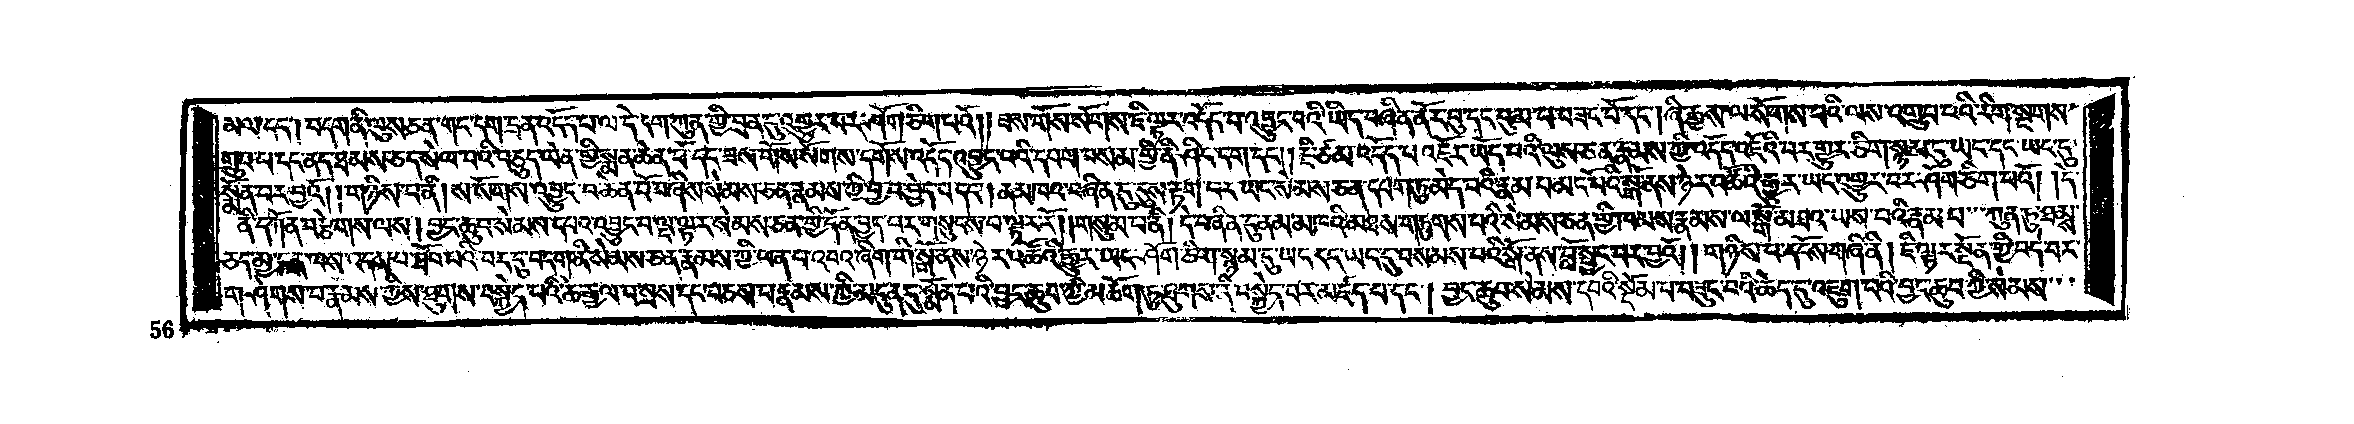མལ་དང་། བདག་ནི་ལུས་ཅན་གང་དང་དྲན་འདོད་པ་ལ་དེ་དག་ཀུན་གྱི་བྲན་དུ་འགྱུར་པར་ཤོག་ཅིག་པའོ། །ཟས་གོས་སོགས་ཇི་ལྟར་འདོད་པ་འབྱུང་བའི་ཡིད་བཞིན་ནོར་བུ་དང་བུམ་པ་བཟང་པོ་དང་། ཞི་རྒྱས་ལ་སོགས་པའི་ལས་འགྲུབ་པའི་རིག་སྔགས་
གྲུབ་པ་དང་ནད་ཐམས་ཅད་སེལ་བའི་བཅུད་ལེན་གྱི་སྨན་ཆེན་པོ་དང་ཟས་གོས་སོགས་དགོས་འདོད་འབྱུང་བའི་དཔག་བསམ་གྱི་ནི་ཤིང་དག་དང་། །ཇི་ཙམ་འདོད་པ་འཇོར་ཡོད་པའི་ལུས་ཅན་རྣམས་ཀྱི་འདོད་འཇོའི་བར་གྱུར་ཅིག་སྙམ་དུ་ཡང་དང་ཡང་དུ་
སྨོན་པར་བྱའོ། །གཉིས་པ་ནི། ས་སོགས་འབྱུང་བ་ཆེན་པོ་བཞིས་སེམས་ཅན་རྣམས་ཀྱི་བྱ་བ་བྱེད་པ་དང་། ནམ་མཁའ་བཞིན་དུ་དུས་རྟག་པར་ཡང་སེམས་ཅན་དཔག་ཏུ་མེད་པའི་རྣམ་པ་མང་པོའི་སྒོ་ནས་ཉེར་འཚོའི་རྒྱུར་ཡང་གྱུར་བར་ཤོག་ཅིག་པའོ། །དེ་
ནི་དཀོན་བརྩེགས་ལས། བྱང་ཆུབ་སེམས་དཔའ་འབྱུང་བ་ལྔ་ལྟར་སེམས་ཅན་གྱི་དོན་བྱད་པར་གསུངས་པ་ལྟར་རོ། །གསུམ་པ་ནི། དེ་བཞིན་དུ་ནམ་མཁའི་མཐས་གཏུགས་པའི་སེམས་ཅན་གྱི་ཁམས་རྣམས་ལ་སྒོ་མཐའ་ཡས་པའི་རྣམ་པ་ཀུན་ཏུ་ཐམས་
ཅད་མྱ་ངན་ལས་འདས་པ་ཐོབ་པའི་བར་དུ་བདག་ནི་སེམས་ཅན་རྣམས་ཀྱི་ཕན་པ་འབའ་ཞིག་གི་སྒོ་ནས་ཉེར་འཚོའི་རྒྱུར་ཡང་ཤོག་ཅིག་སྙམ་དུ་ཡང་དང་ཡང་དུ་བསམས་པའི་སྒོ་ནས་བློ་སྦྱང་བར་བྱའོ། །གཉིས་པ་དངོས་གཞི་ནི། ཇི་ལྟར་སྔོན་གྱི་བདེ་བར་
གཤེགས་པ་རྣམས་ཀྱིས་ཐུགས་བསྐྱེད་པའི་ཆེ་རྒྱལ་སྲས་དང་བཅས་པ་རྣམས་ཀྱི་མདུན་དུ་སྨོན་པའི་བྱང་ཆུབ་ཀྱི་མཆོག་ཏུ་ཐུགས་ནི་བསྐྱེད་པར་མཛད་པ་དང་། བྱང་ཆུབ་སེམས་དཔའི་སྡོམ་པ་བཟུང་བའི་ཆེད་དུ་འཇུག་པའི་བྱང་ཆུབ་ཀྱི་སེམས་